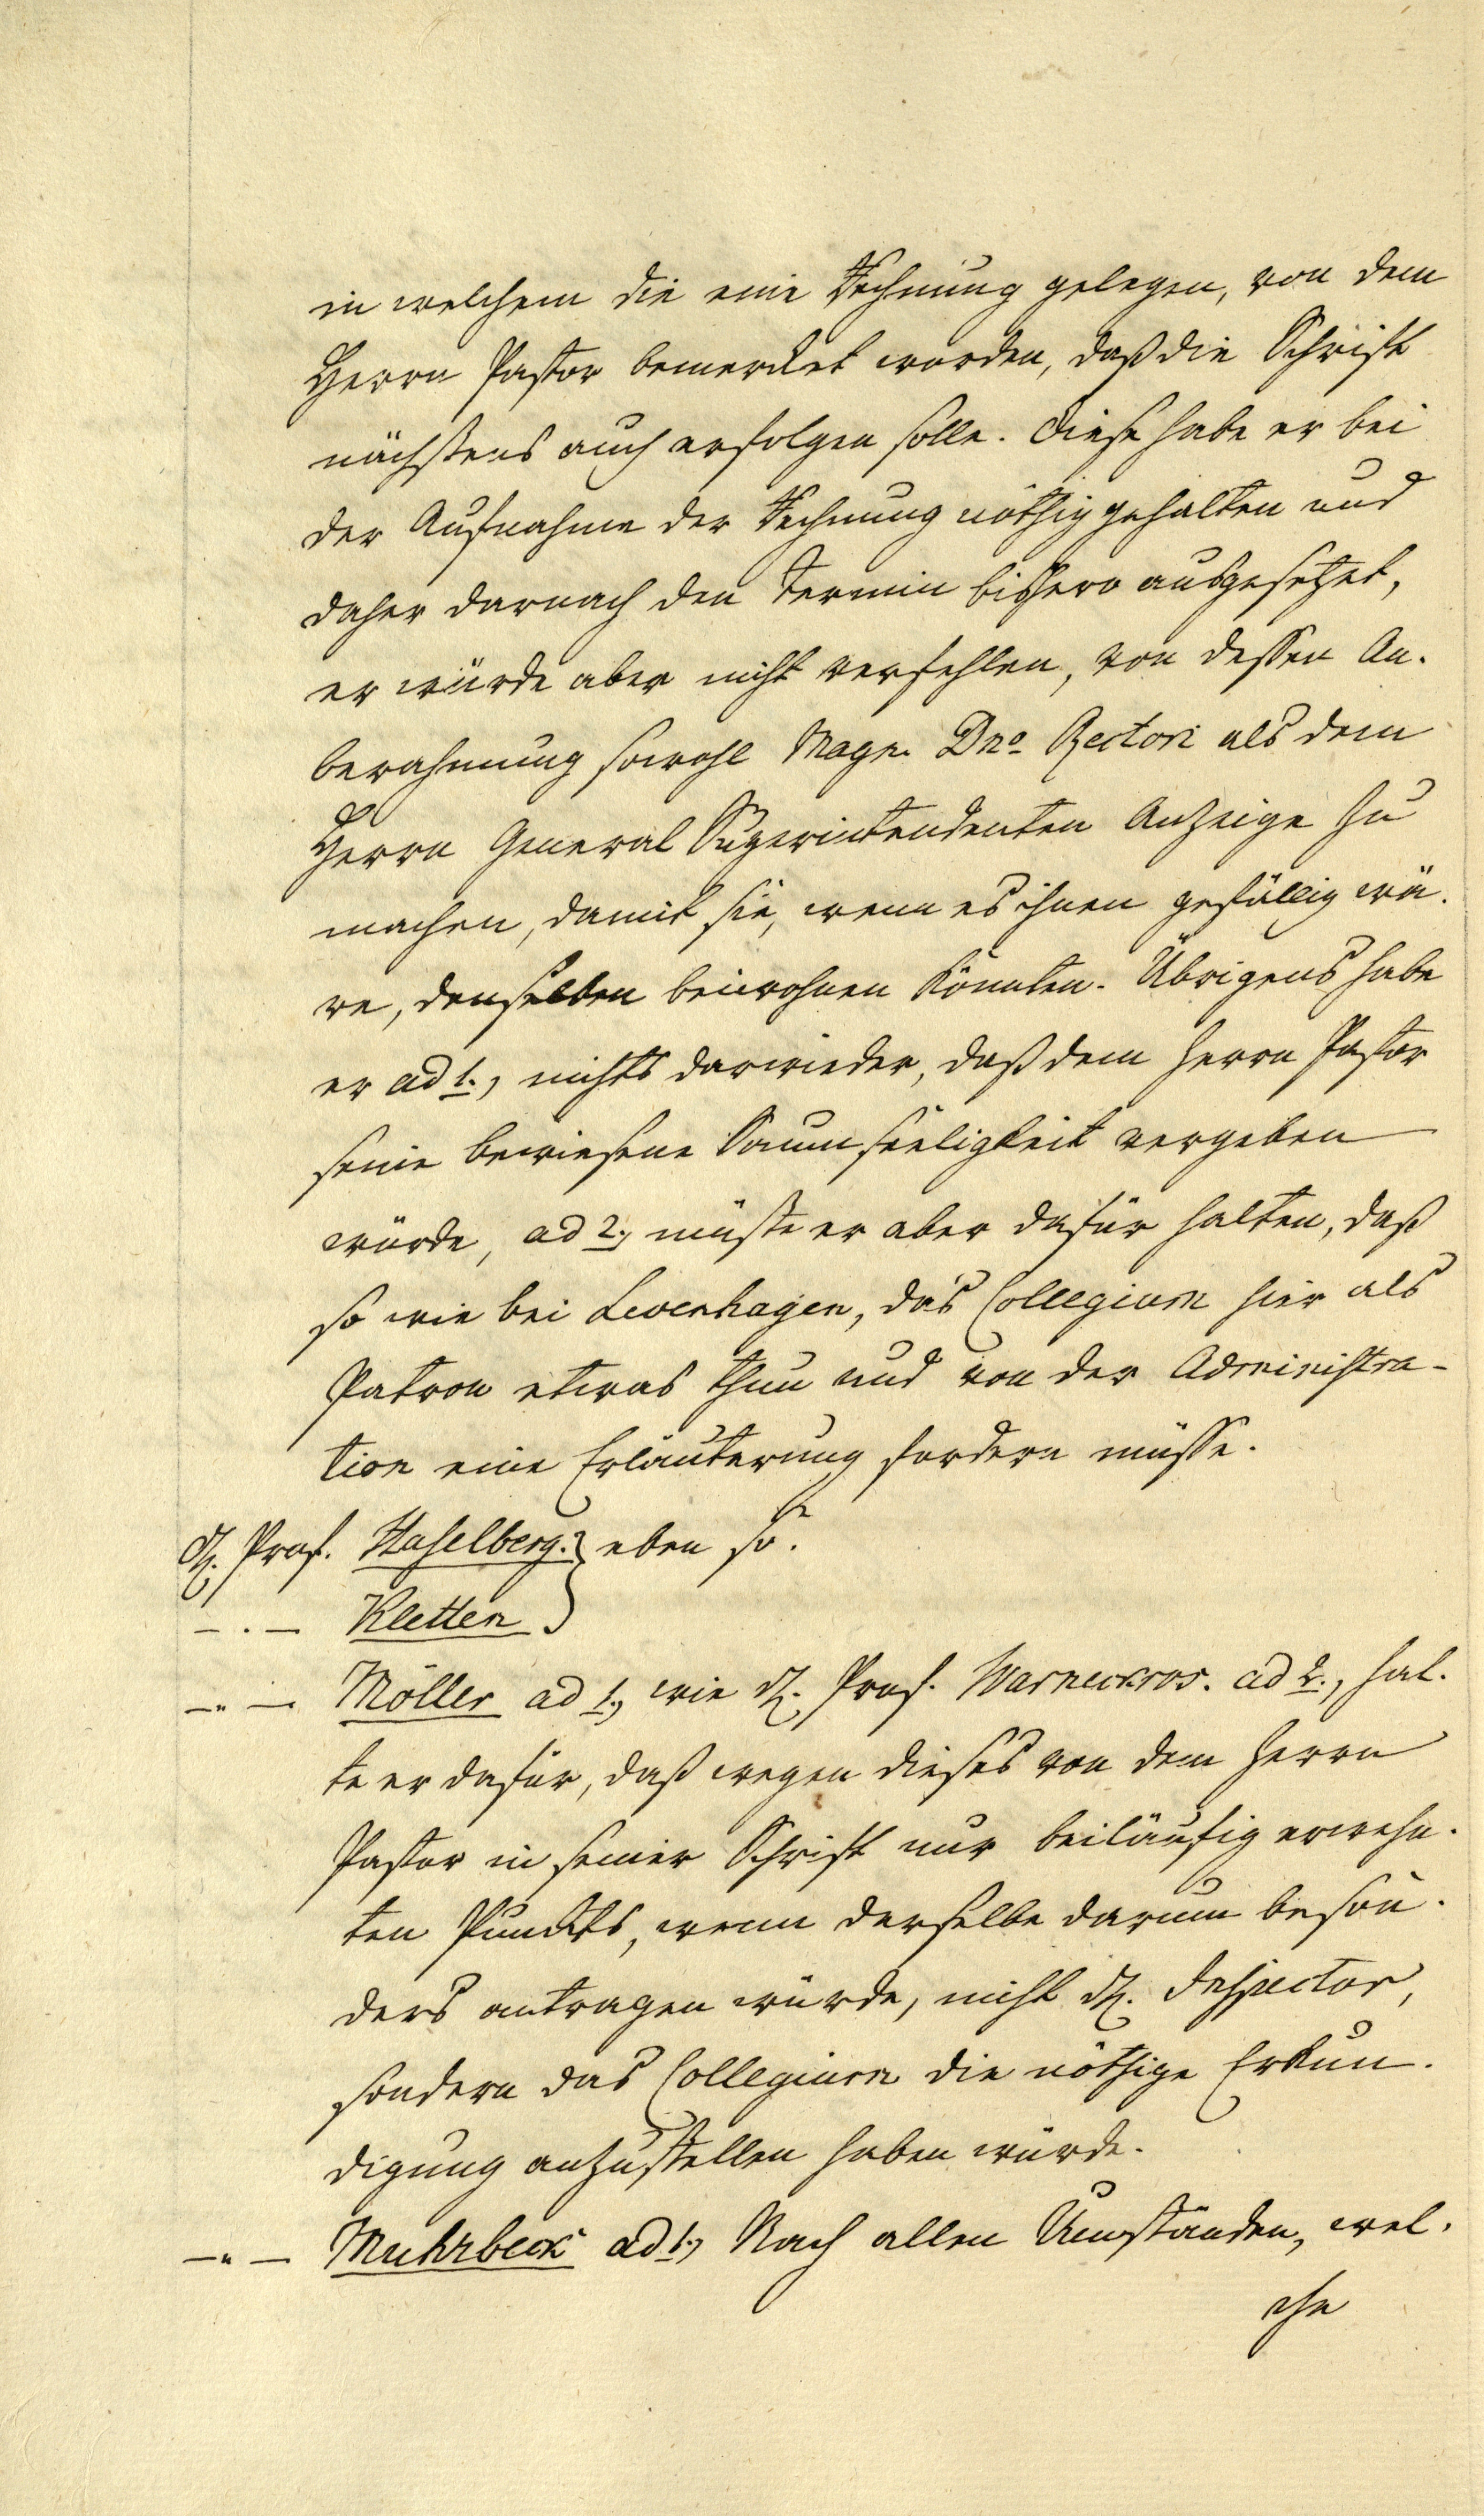in welchem die eine Rechnung gelegen, von dem
Herrn Pastor bemerket worden, daß die Schrift
nächstens auch erfolgen solle. Diese habe er bei
der Aufnahme der Rechnung nöthig gehalten und
daher darnach den Termin bishero ausgesetzet,
er würde aber nicht verhehlen, von dessen An-
berahmung sowohl Magn. Dn.o Rectori als dem
Herrn General Superintendenten Anzeige zu
machen, damit sie, wenn es ihnen gefällig wä-
re, denselben beiwohnen könnten. Übrigens habe
er ad 1., nichts darwieder, daß dem herrn Pastor
seine bewiesene Saumseeligkeit vergeben
würde, ad 2., müßte er aber dafür halten, daß
so wie bei Levenhagen, das Collegium hier als
Patron etwas thun und von der Administra-
tion eine Erläuterung fordern müsse.
dh. Prof. Haselberg. eben so.
- " - Kletten
- " - Möller ad 1., wie dh. Prof. Warneckros. ad 2., hal-
te er dafür, daß wegen dieses von dem herrn
Pastor in seiner Schrift nur beiläufig erwehn-
ten Punckts, wenn derselbe darum beson-
ders antragen würde, nicht dh. Inspector,
sondern das Collegium die nöthige Erkun-
digung anzustellen haben würde.
- " - Muhrbeck ad 1., Nach allen Umständen, wel-
che